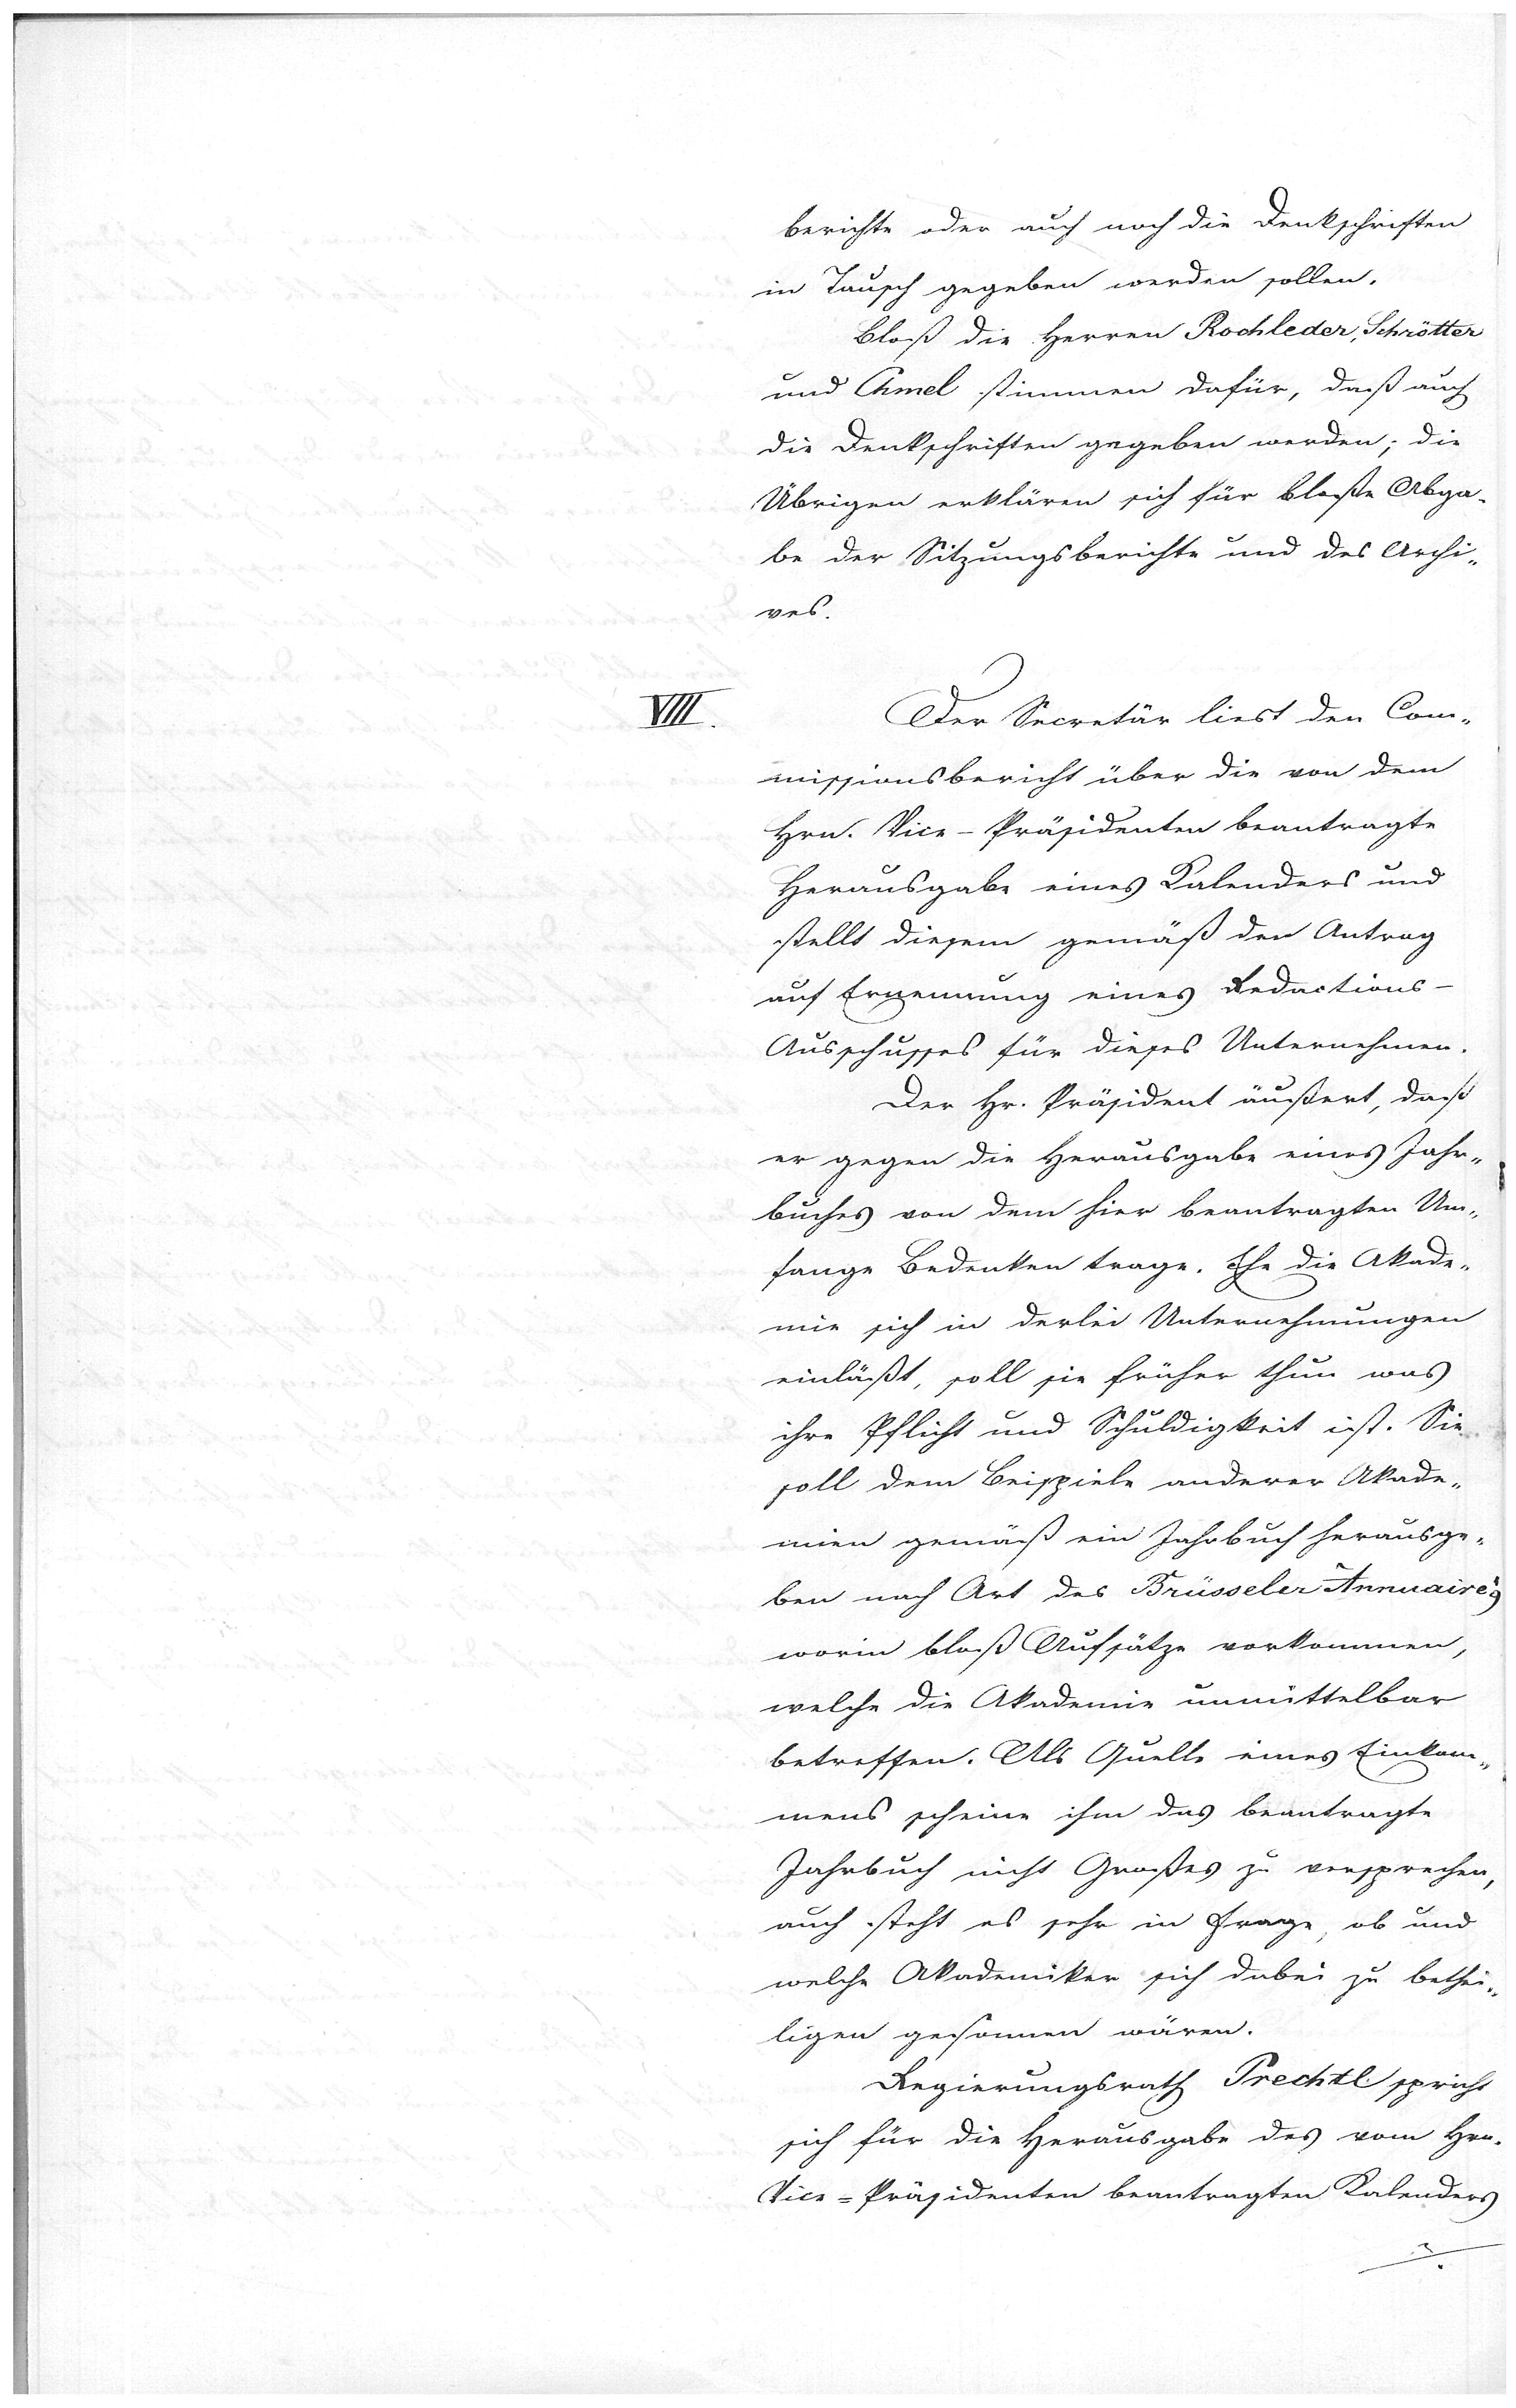berichte oder auch noch die Denkschriften
in Tausch gegeben werden sollen.
Bloß die Herren Rochleder, Schrötter
und Chmel stimmen dafür, daß auch
die Denkschriften gegeben werden; die
Übrigen erklären sich für bloße Abga-
be der Sitzungsberichte und des Archi-
ves.
Der Secretär liest den Com-
missionsbericht über die von dem
Hrn. Vice-Präsidenten beantragte
Herausgabe eines Kalenders und
stellt diesem gemäß den Antrag
auf Ernennung eines Redactions-
Ausschusses für dieses Unternehmen.
VIII.
Der Hr. Präsident äußert, daß
er gegen die Herausgabe eines Jahr-
buches von dem hier beantragten Um-
fangen Bedenken trage. Ehe die Akade-
mie sich in derlei Unternehmungen
einläßt, soll sie früher thun was
ihre Pflicht und Schuldigkeit ist. Sie
soll dem Beispiel anderer Akade-
mien gemäß ein Jahrbuch herausge-
ben nach Art der Brüsseler Annuaire's
worin bloß Aufsätze vorkonmen,
welche die Akademie unmittelbar
betreffen. Als Quelle eines Einkom-
mens scheine ihm das beantragte
Jahrbuch nicht Großes zu vorsprechen,
auch steht es sehr in Frage, ob und
welche Akademiker sich dabei zu bethei-
ligen gesonnen wären.
Regierungsrath Prechtl spricht
sich für die Herausgabe des von Hrn.
Vice-Präsidenten beantragten Kalenders